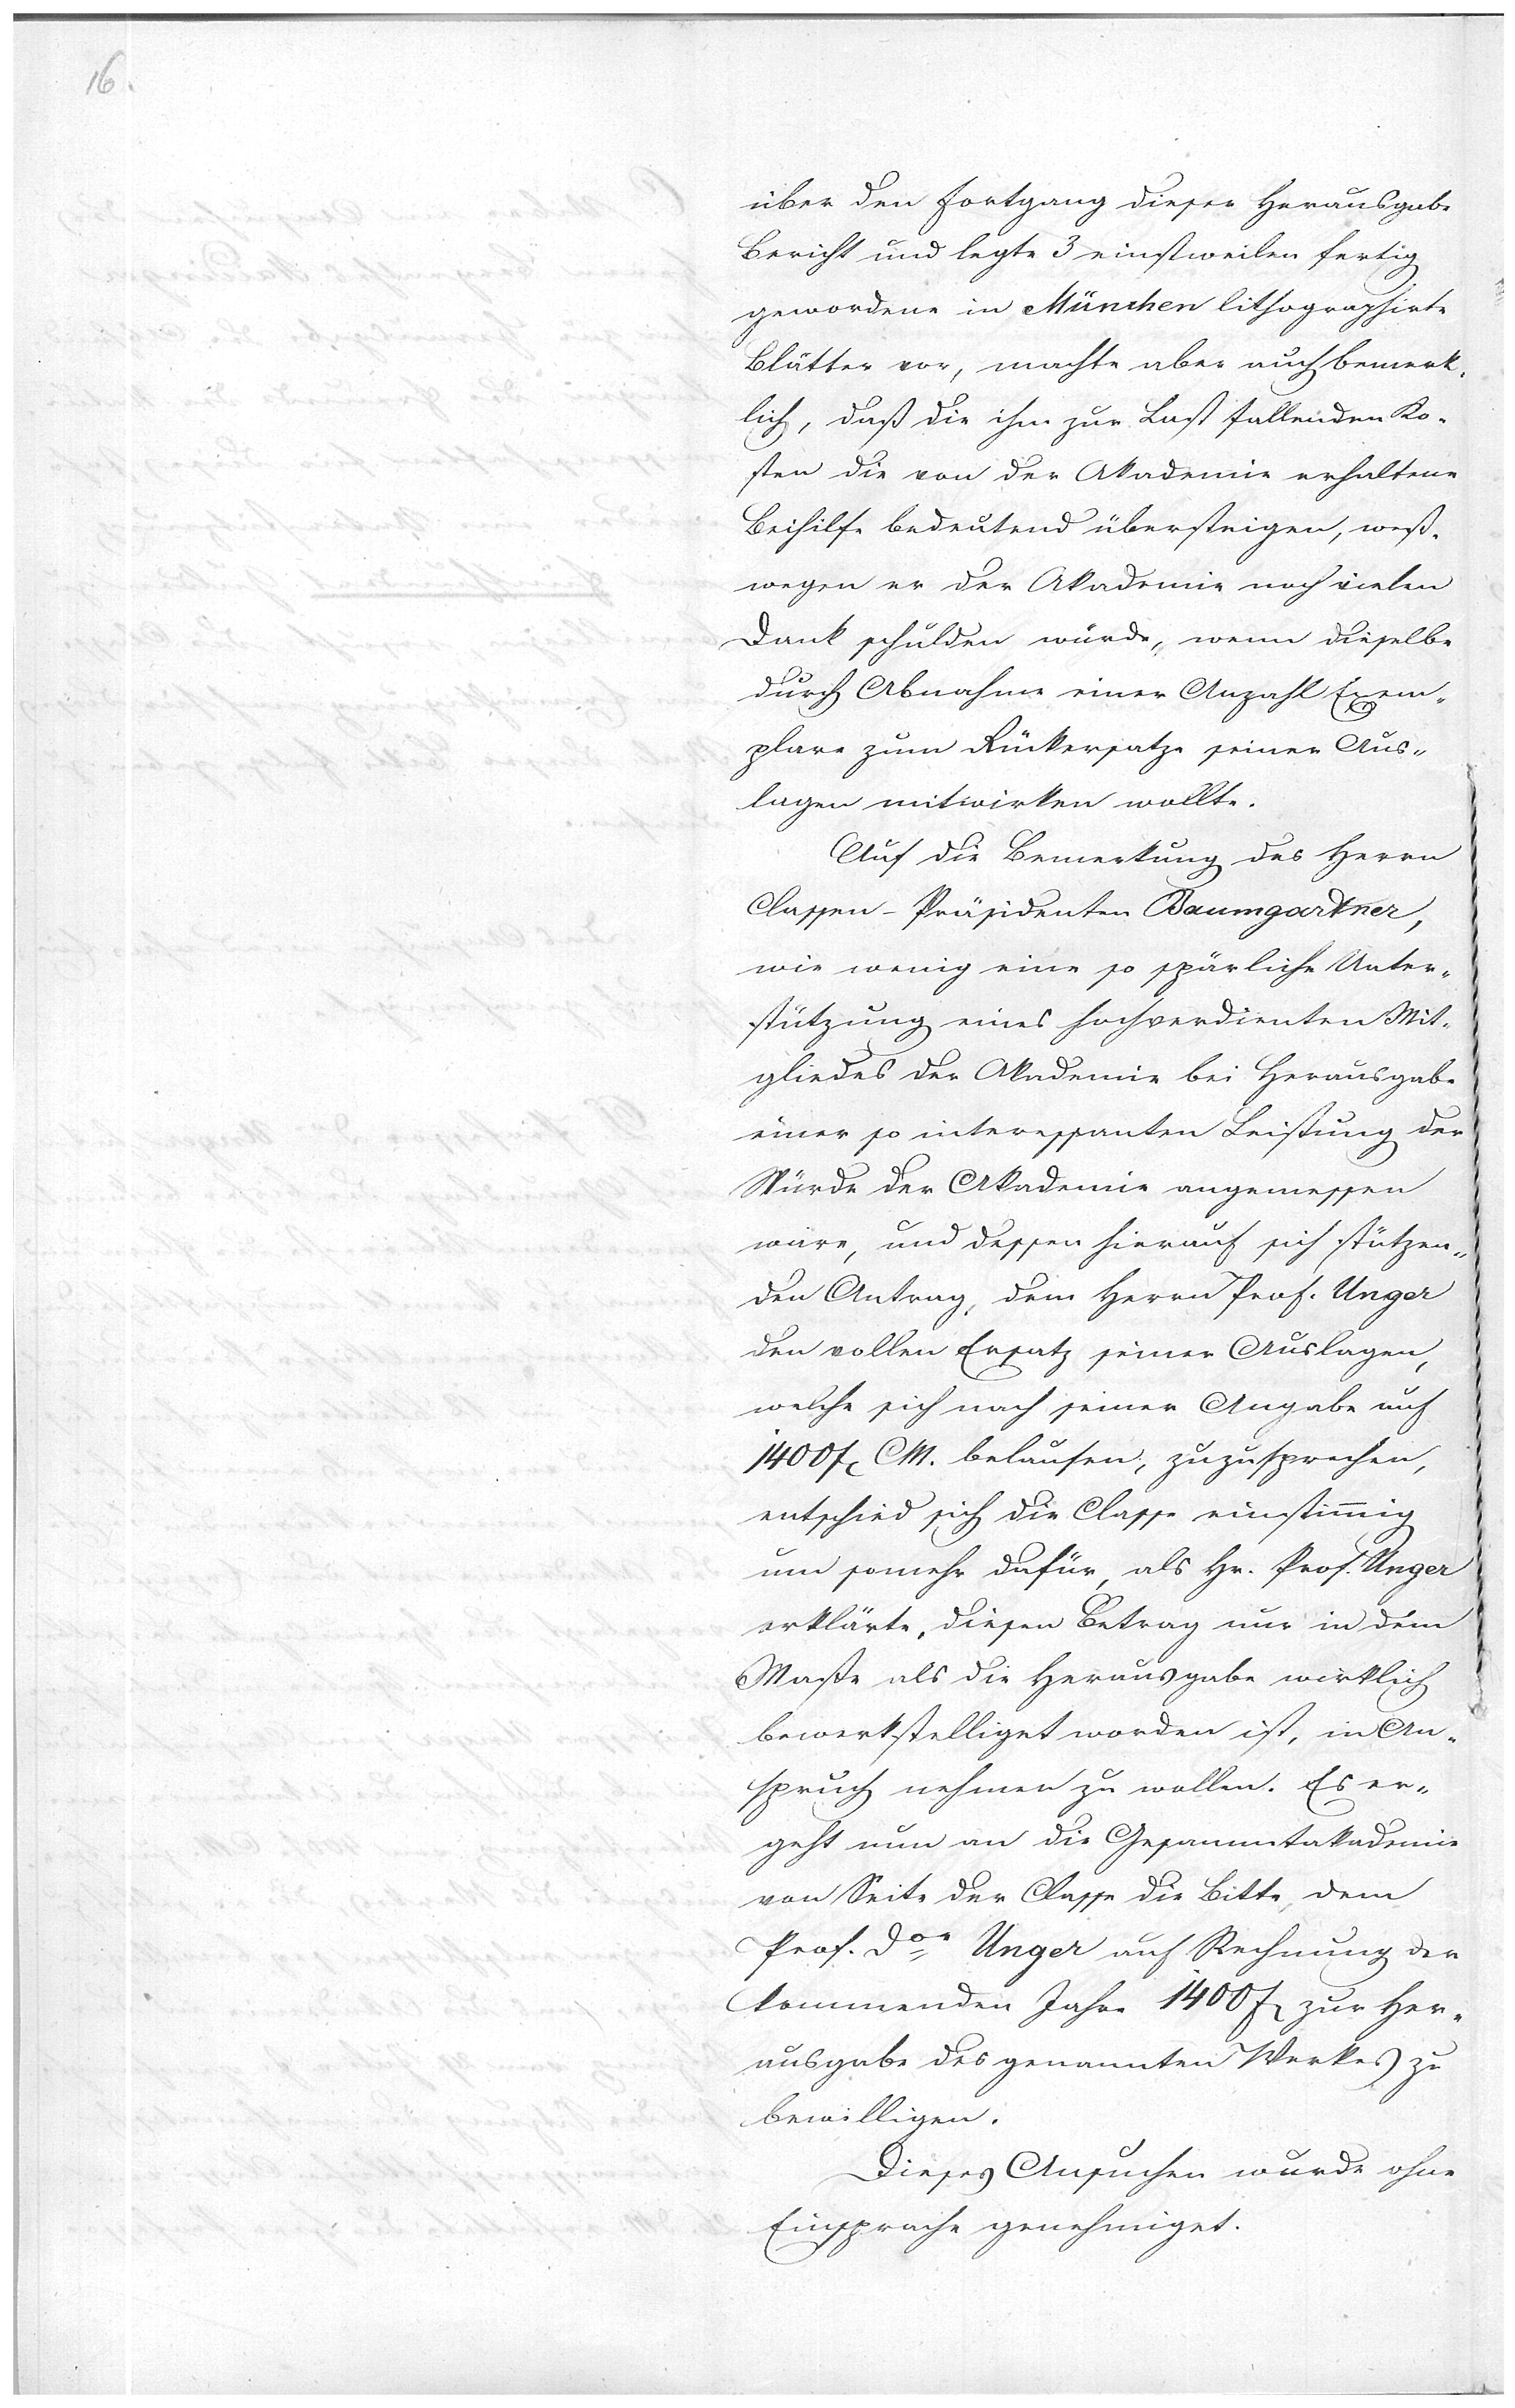über den Fortgang dieser Herausgabe
Bericht und legte den einstweilen fertig
gewordene in München lithographirte
Blätter vor, machte aber auch bemerk-
lich, daß die ihm zur Last fallenden Ko-
sten die von der Akademie erhaltene
Beihilfe bedeutend übersteigen, weß-
wegen er der Akademie noch vielen
Dank schulden würde, wenn dieselbe
durch Abnahme einer Anzahl Exem-
plare zum Rückersatzes seiner Aus-
lagen mitwirken wollte.
Auf die Bemerkung des Herrn
Classen-Präsidenten Baumgartner,
wie wenig eine so spärliche Unter-
stützung eines hochverdienten Mit-
gliedes der Akademie bei Herausgabe
einer so interessanten Leistung der
Würde der Akademie angemessen
wäre, und dessen hierauf sich stützen-
den Antrag, dem Herrn Prof. Unger
den vollem Ersatz seiner Auslagen,
welche sich nach seiner Angabe auf
1400 fl. CM belaufen, zuzusprechen,
entschied sich die Classe einstimmig
um somehr dafür, als Hr. Prof. Unger
erklärte, diesen Betrag nur in dem
Maße als die Herausgabe wirklich
bewerkstelliget worden ist, in An-
spruch nehmen zu wollen. Es er-
geht nun an die Gesammtakademie
von Seite der Classe die Bitte, dem
Prof. Dor Unger auf Rechnung der
kommenden Jahre 1400 fl zur Her-
ausgabe des genannten Werken zu
bewilligen.
Dieses Ansuchen wurde ohne
Einsprache genehmiget.